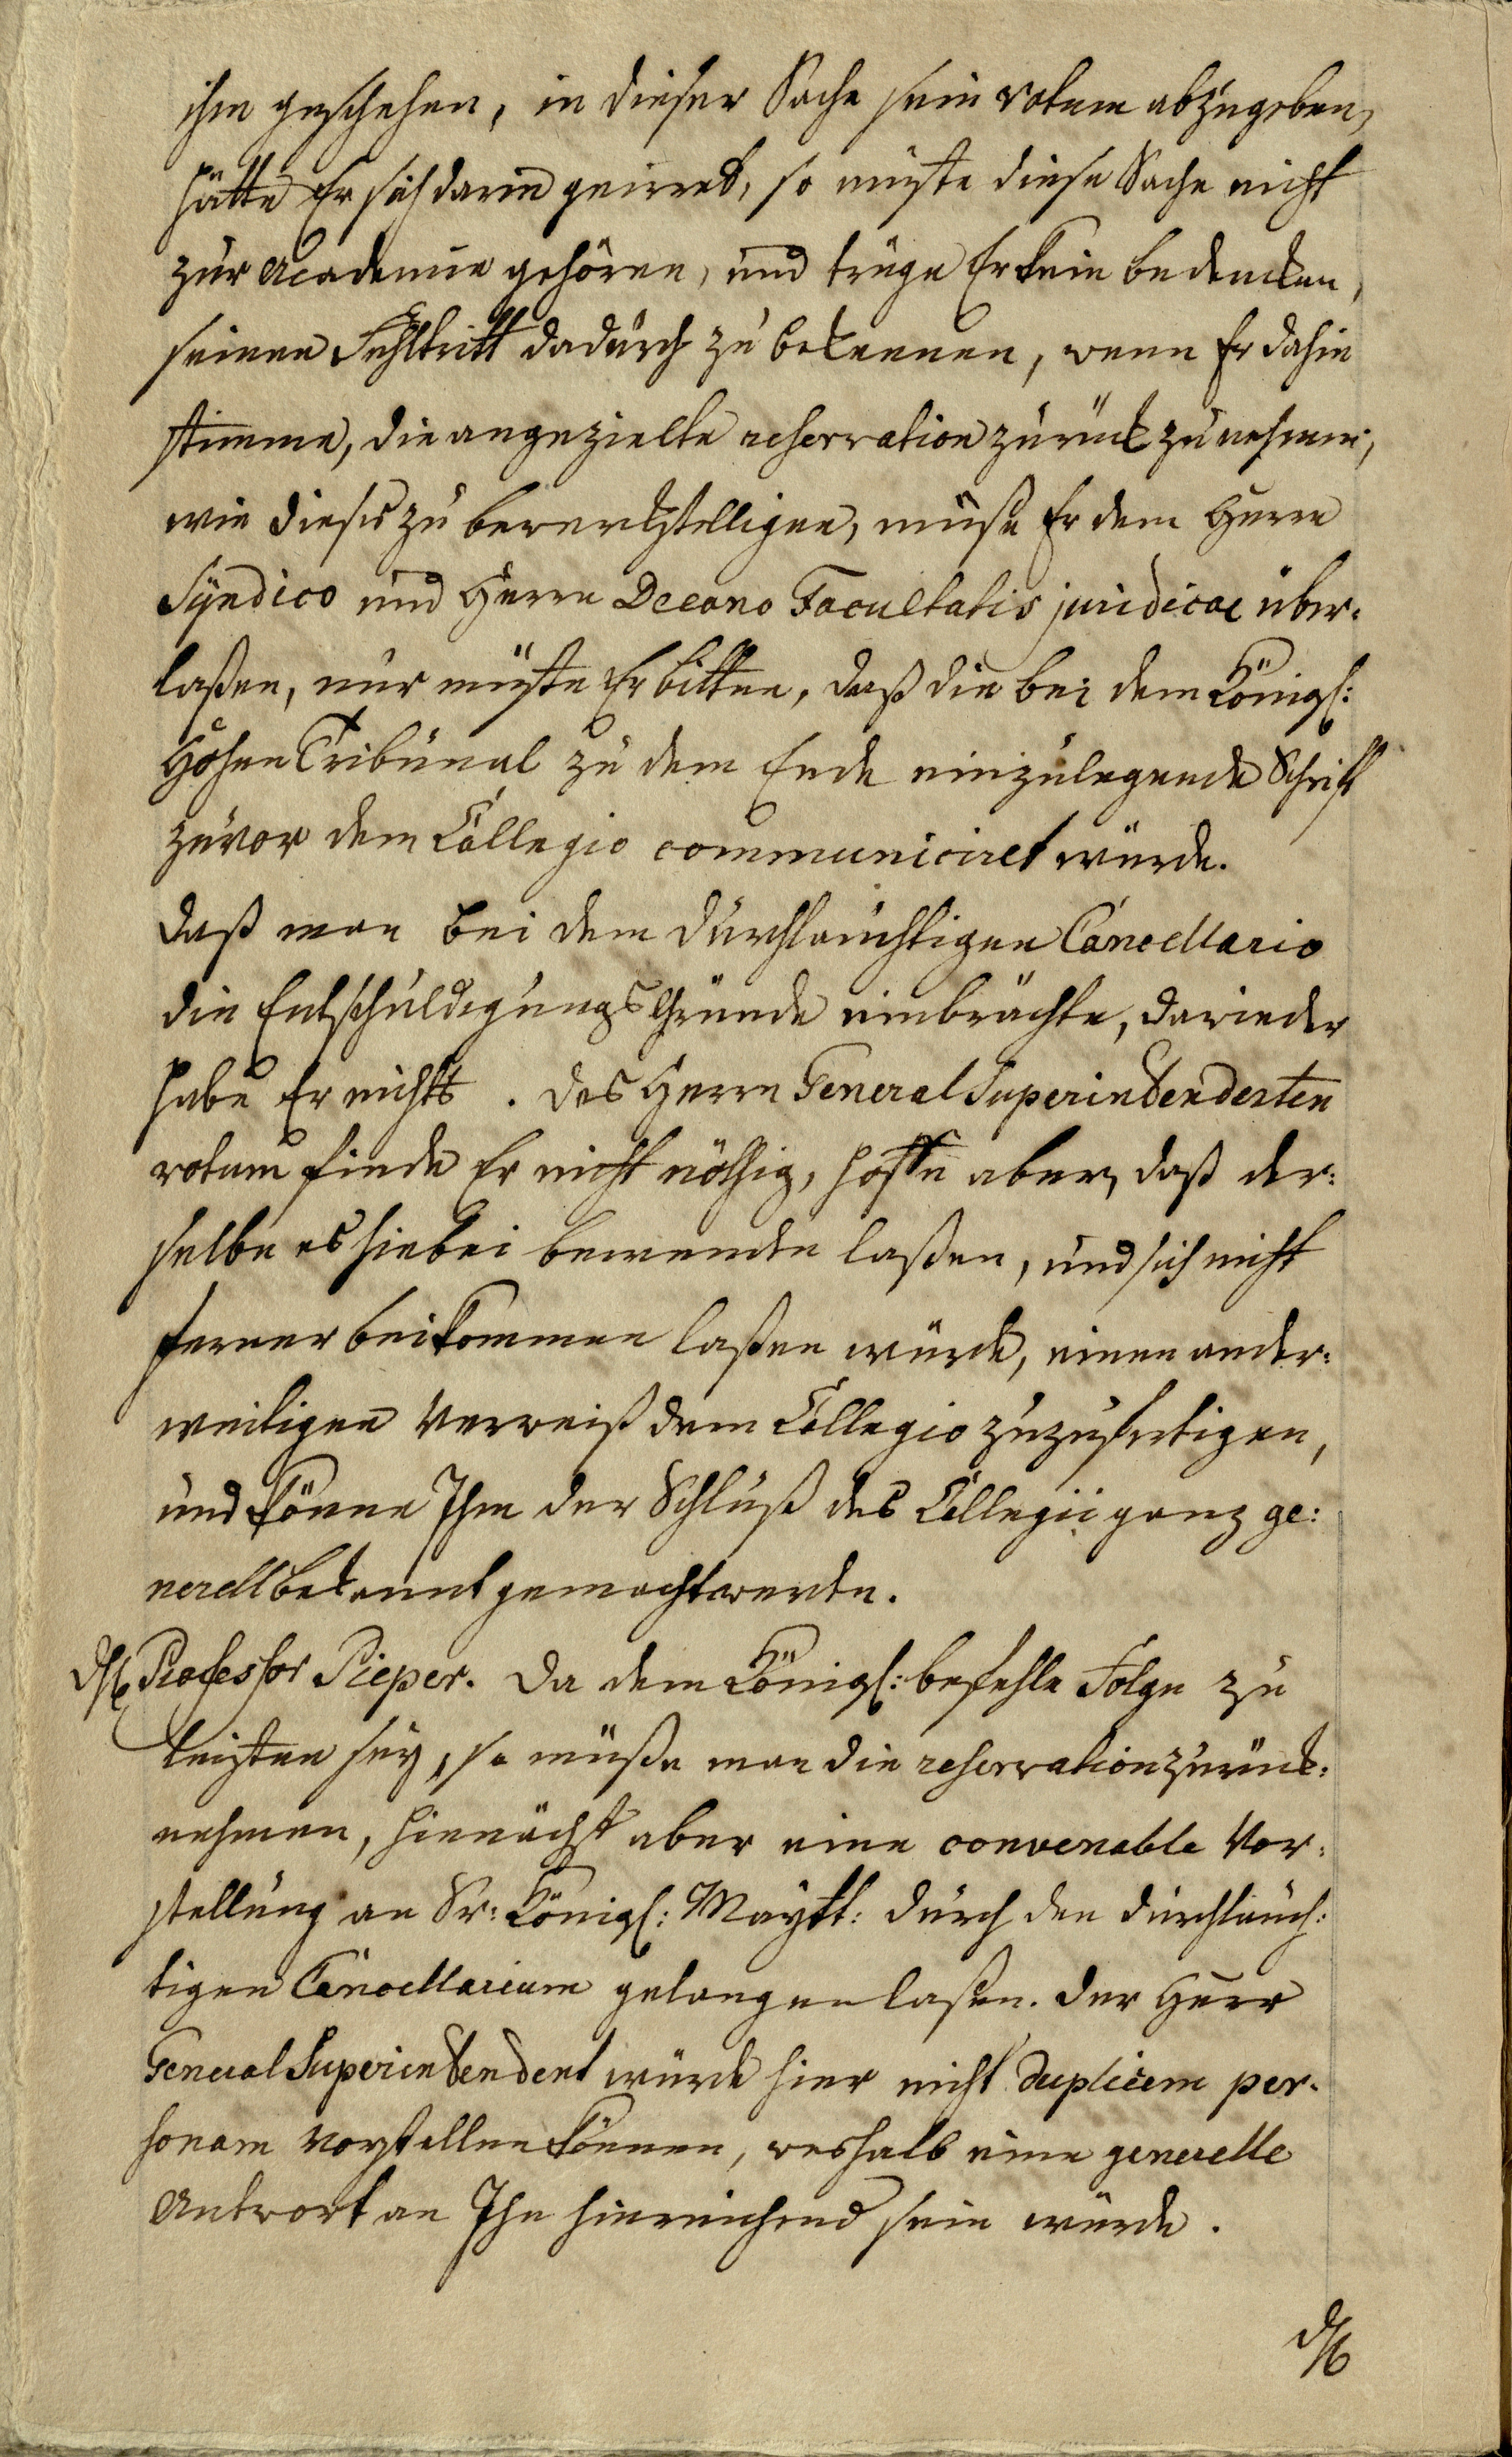ihm geschehen, in dieser Sache sein votum abzugeben,
hätte Er sich darin geirret, so müßte diese Sache nicht
zur Academie gehören, und trüge Er kein Bedenken,
seinen Fehltritt dadurch zu bekennen, wenn Er dahin
stimme, die angezielte reservation zurück zu nehmen,
wie dieses zu bewerksteligen, müße Er dem Herrn
Sÿndico und Herrn Decano Facultatis juridicae über¬
laßen, nur müßte Er bitten, daß die bei dem Königl.
Hohen Tribunal zu dem Ende einzulegende Schrift
zuvor dem Collegio communiciret würde.
Daß man bei dem durchlauchtigen Cancellario
die Entschuldigungs Gründe einbrächte, dawieder
habe Er nichts. Des Herrn GeneralSuperintendenten
votum finde Er nicht nöthig, hoffe aber, daß der¬
selbe es hiebei bewenden laßen, und sich nicht
ferner beikommen laßen würde, einen ander¬
weitigen Verweis dem Collegio zuzufertigen,
und könne Ihm der Schluß des Collegii ganz ge¬
nerell bekannt gemacht werden.
dh Professor Pieper. Da dem Königl. Befehle Folge zu
leisten seÿ, so müße man die reservation zurück¬
nehmen, hienächst aber eine convenable Vor¬
stellung an Sr. Königl. Maÿtt. durch den durchlauch¬
tigen Cancellarium gelangenlaßen. Der Herr
GeneralSuperintendent würde hier nicht duplicem per¬
sonam vorstellen können, weshalb eine generelle
Antwort an Ihn hinreichend sein würde.
dh.